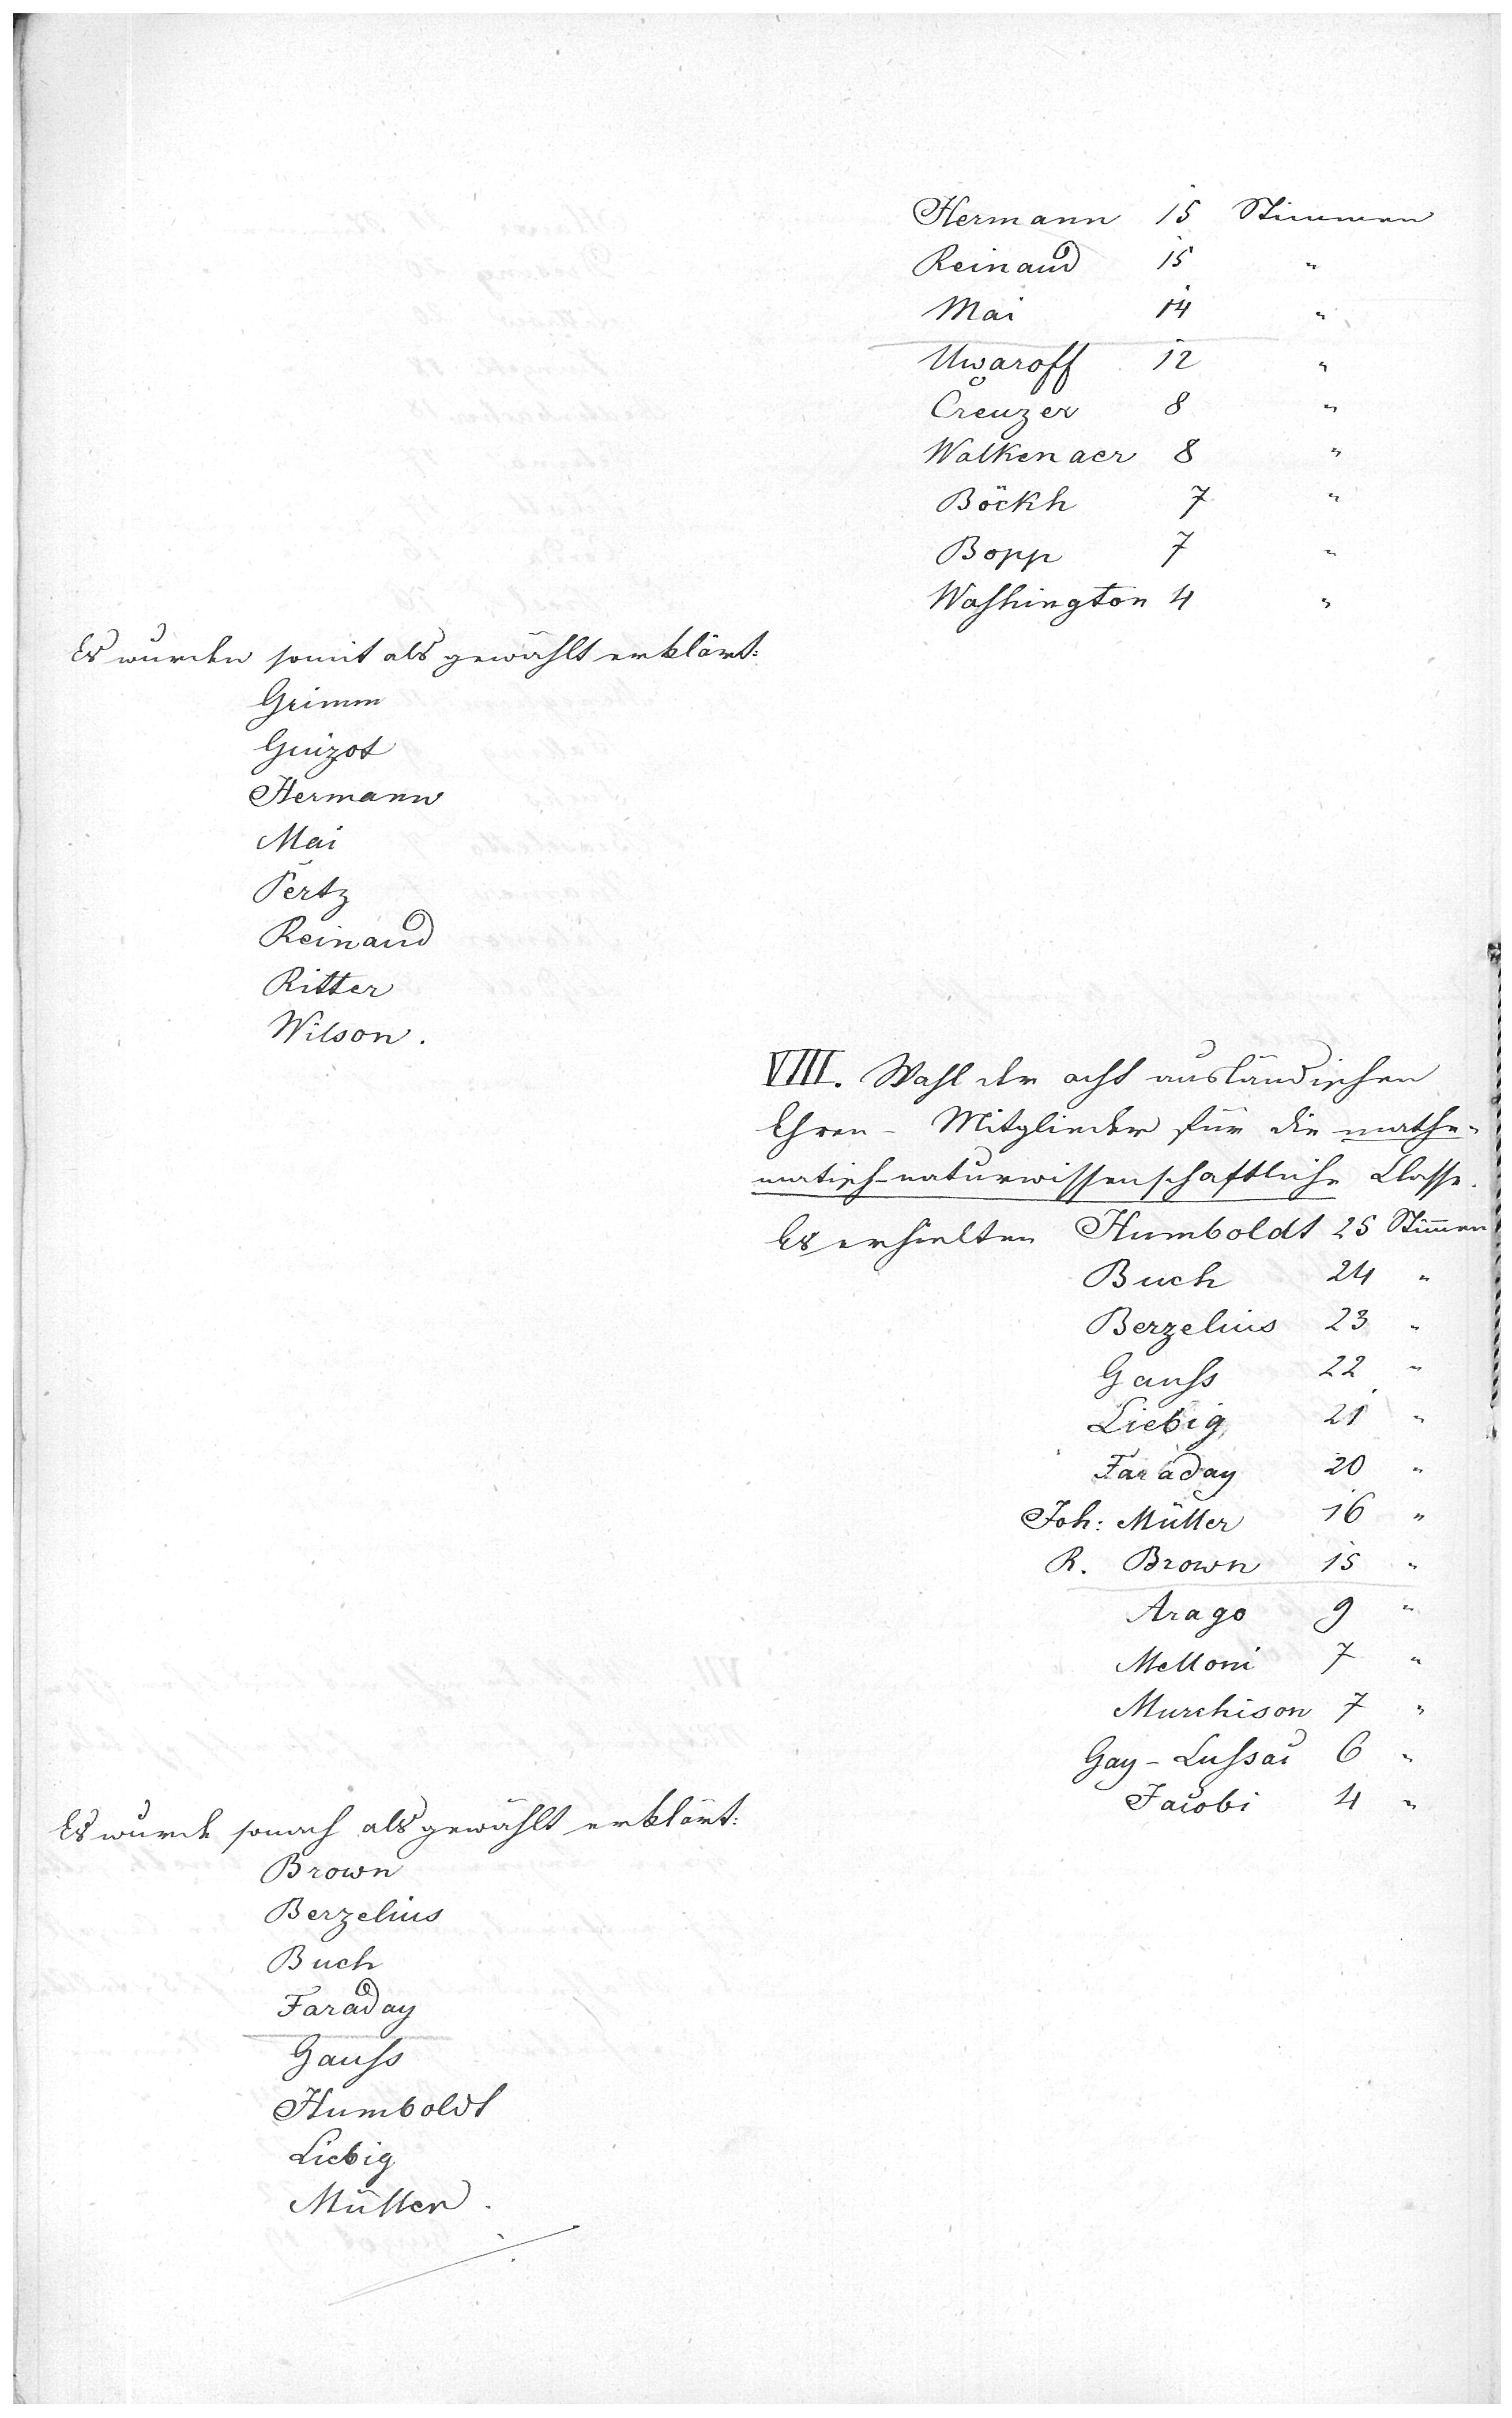Hermann 15 Stimmen
Reinaud 15 "
Mai 14 "
Uwaroff 12 "
Creuzer 8 "
Walkenaer 8 "
Böckh 7 "
Bopp 7 "
Washington 4 "
Es wurden somit als gewählt erklärt:
Grimm
Guizot
Hermann
Mai
Pertz
Reinaud
Ritter
Wilson
VIII. Wahl der acht ausländischen
Ehren-Mitglieder für die mathe-
matisch-naturwissenschaftliche Class.
Er erhielten Humboldt 25 Stimmen
Buch 24 "
Berzelius 23 "
Gauss 22 "
Liebig 21 "
Faraday 20 "
Joh: Müller 16 "
R. Brown 15 "
Arago 9 "
Melloni 7 "
Murchison 7 "
Gay-Lussac 6 "
Jacobi 4 "
Es wurden sonach als gewählt erklärt:
Brown
Berzelius
Buch
Faraday
Gauss
Humboldt
LIebig
Müller